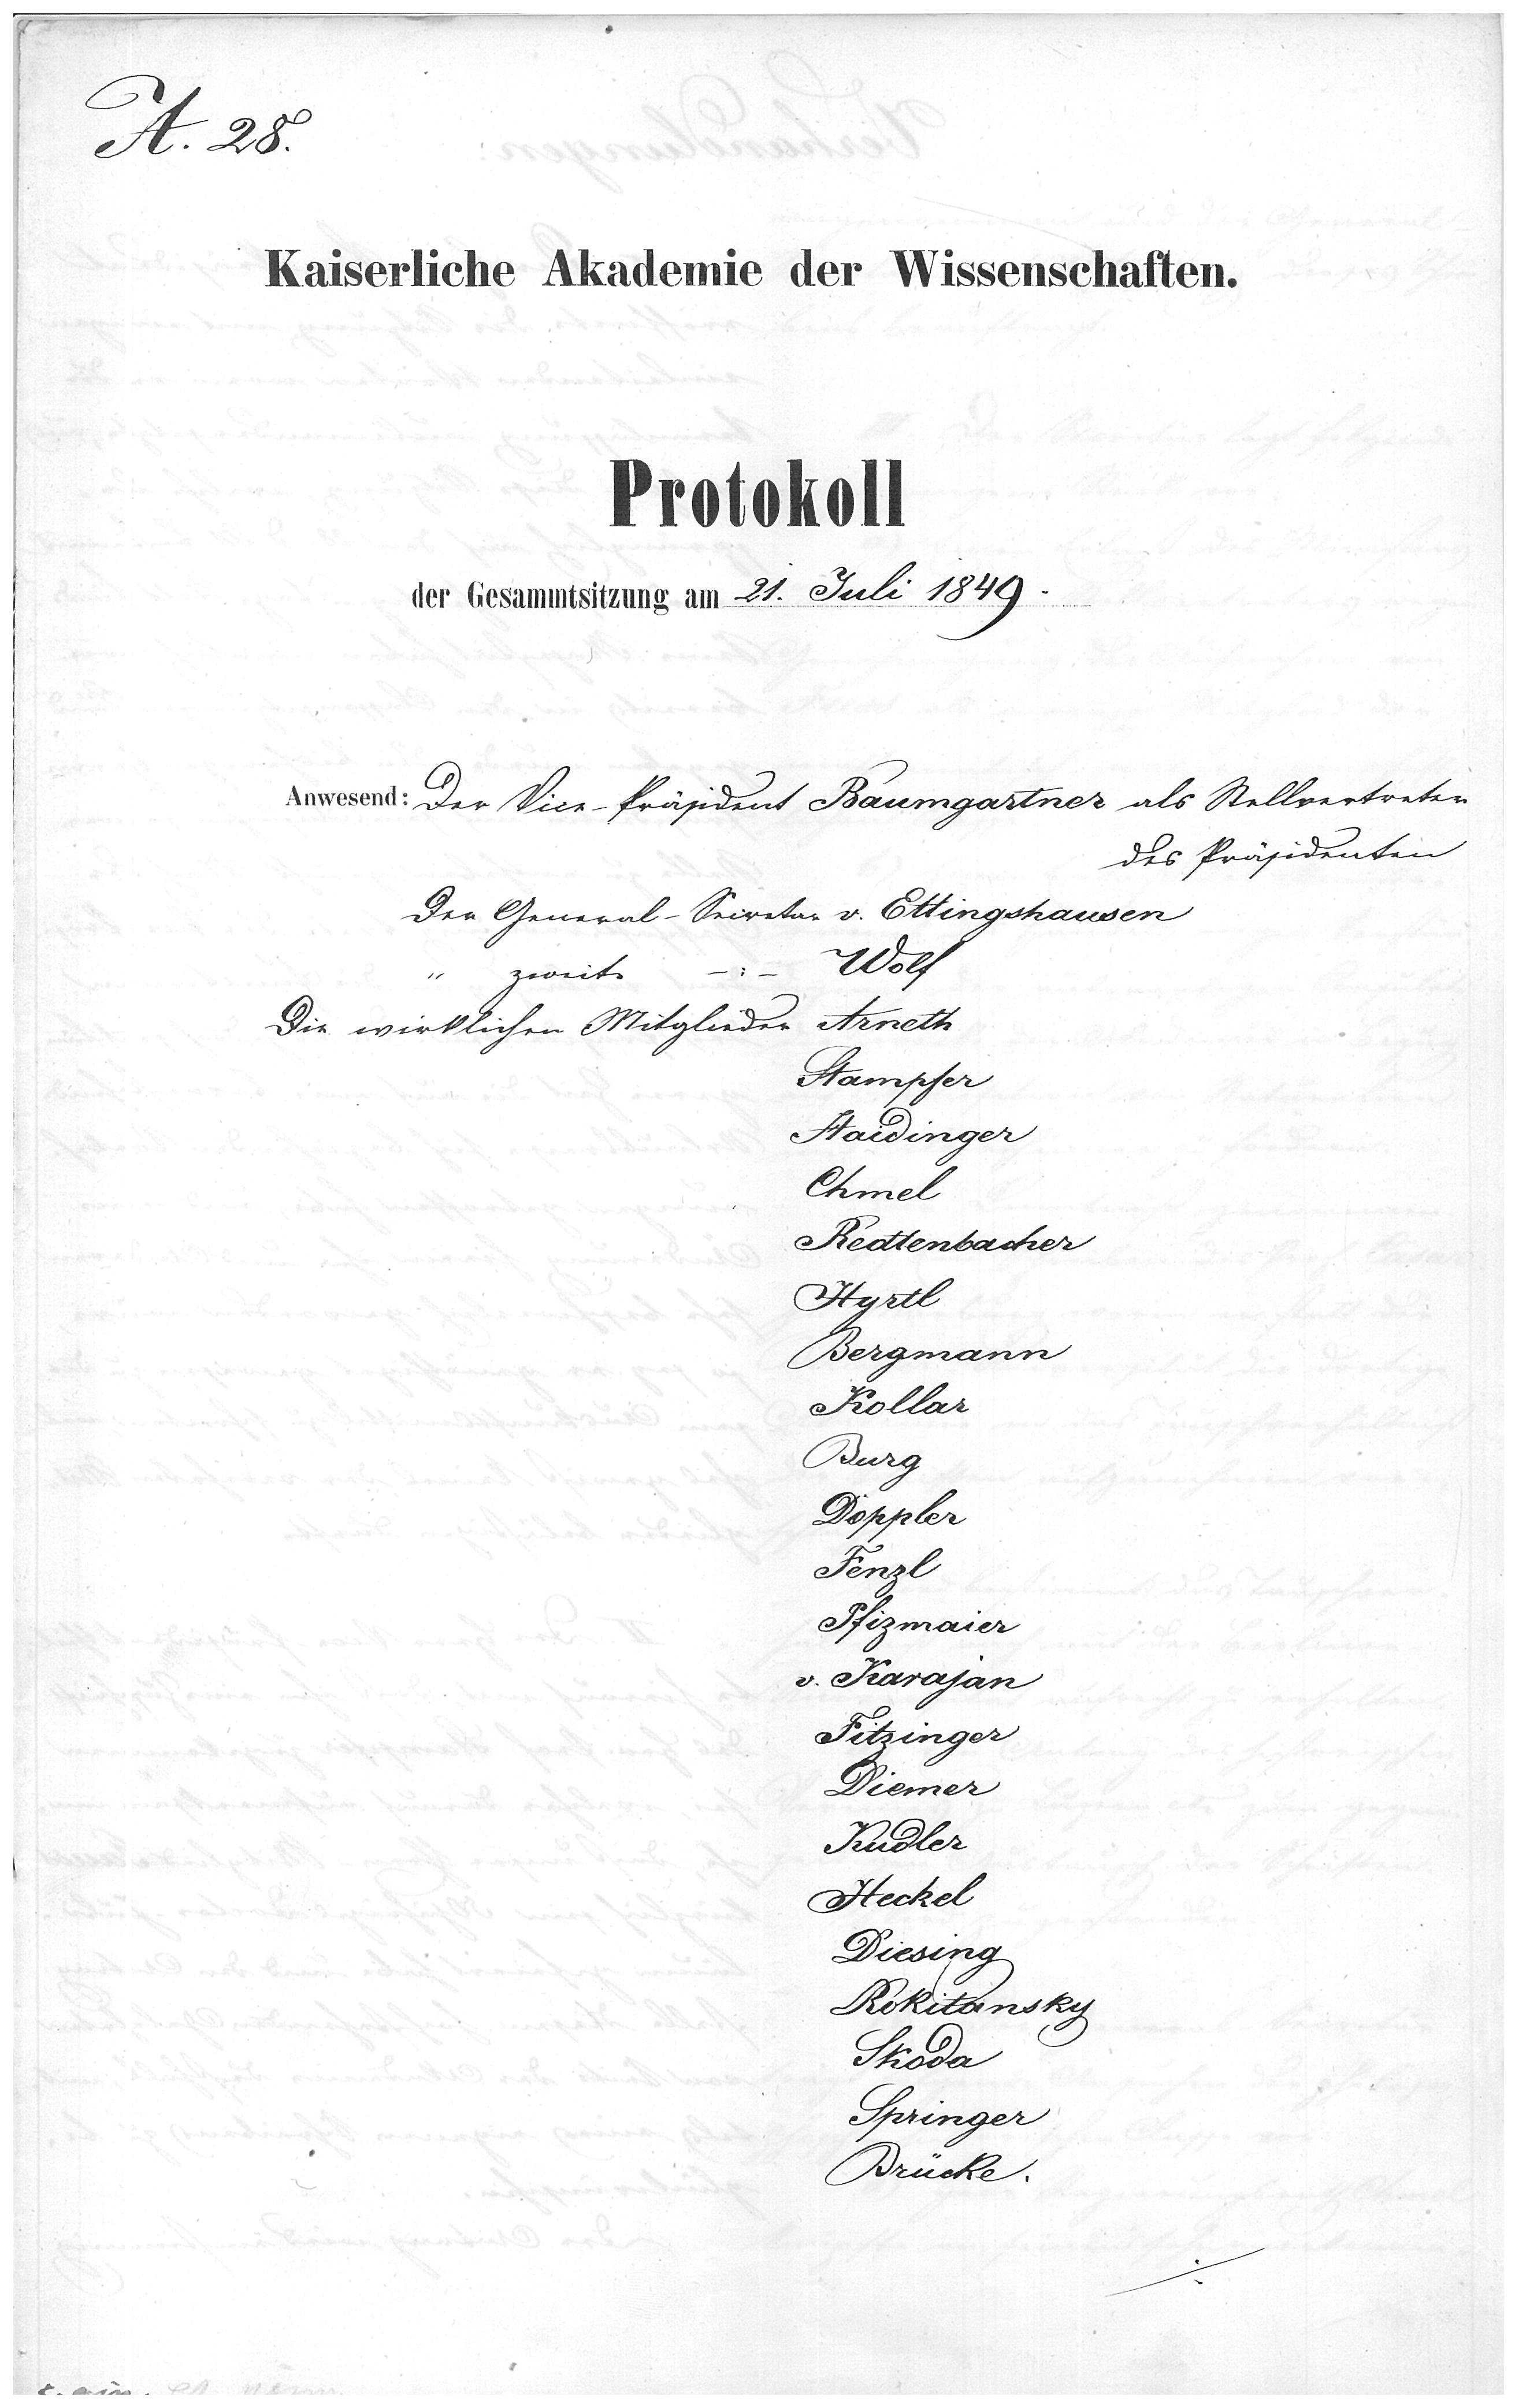A. 28.
Kaiserliche Akademie der Wissenschaften.
Protokoll
der Gesammtsitzung am 21. Juli 1849
Der Vice- Präsident Baumgartner als Stellvertreter
Anwesend:
des Präsidenten
Der General-Secretär v. Ettingshausen
" zweite -:- Wolf
Die wirklichen Mitglieder Arneth
Stampfer
Haidinger
Chmel
Redtenbacher
Hyrtl
Bergmann
Kollar
Burg
Doppler
Fenzl
Pfizmaier
v. Karajan
Fitzinger
Diemer
Kudler
Heckel
Diesing
Rokitansky
Skoda
Springer
Brücke.